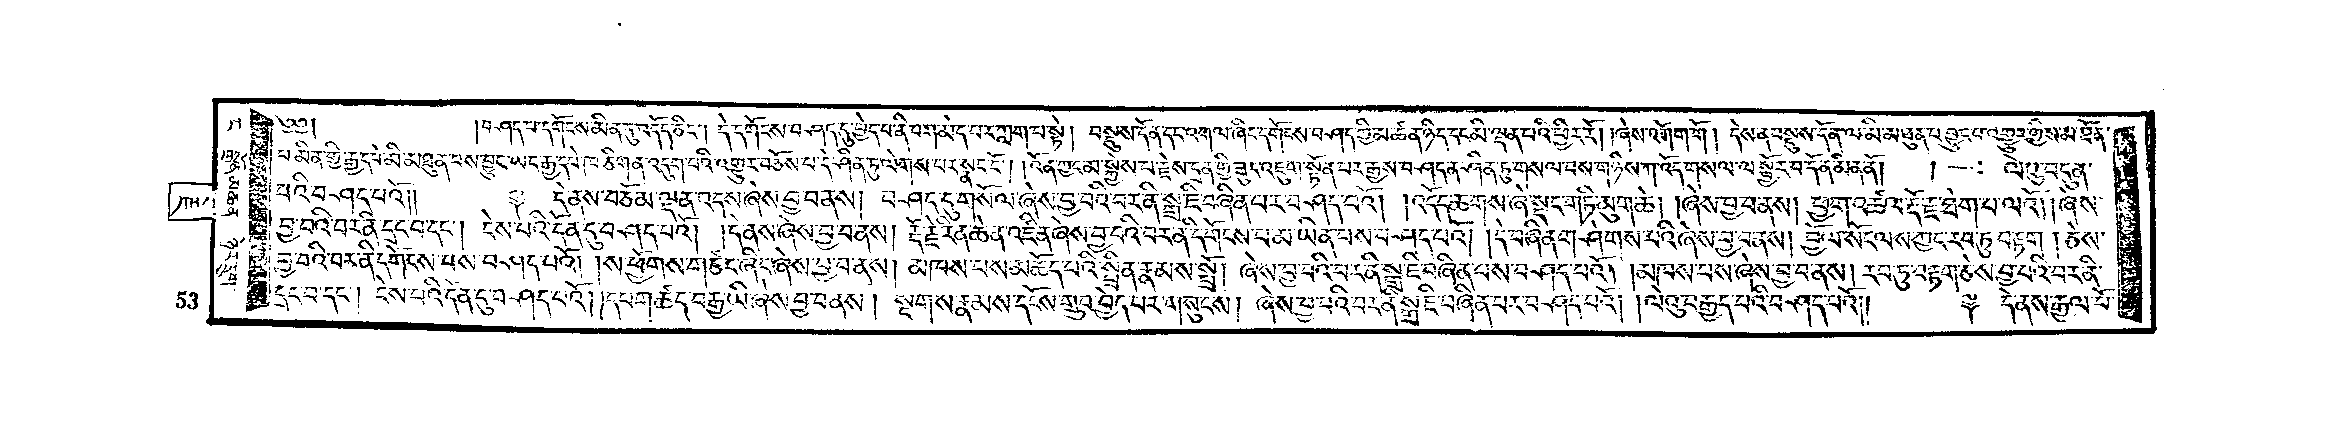༄༅། །བཤད་པ་དགོངས་མིན་དུ་འདོད་ཅིང་། དེ་དགོངས་བཤད་དུ་བྱེད་པ་ནི་བག་མེད་པར་ཀླག་པ་སྟེ། བསྡུས་དོན་དང་འགལ་ཞིང་དགོངས་བཤད་ཀྱི་མཚན་ཉིད་དང་མི་ལྡན་པའི་ཕྱིར་རོ། །ཞེས་འགོག་གོ །དེས་ན་བསྡུས་དོན་ལ་མི་མཐུན་པ་བྱུང་བ་འགྱུར་གྱིས་མ་ཐོན་
པ་མིན་གྱི་རྒྱ་དཔེ་མི་མཐུན་པས་བྱུང་ཡང་རྒྱ་དཔེ་ཁ་ཅིག་ན་འདུག་པའི་འགྱུར་བཅོས་པ་དེ་ཤིན་ཏུ་ལེགས་པར་སྣང་ངོ། །འོན་ཀྱང་མ་སྐྱེས་པ་རྗེས་དྲན་གྱི་ཟུང་འཇུག་སྟོན་པར་རྒྱས་བཤད་ན་ཤིན་ཏུ་གསལ་བས་གཉིས་ཀ་འོད་གསལ་ལ་སྦྱོར་བ་དོན་མིན་ནོ། ། .Hལེའུ་བདུན་
པའི་བཤད་པའོ།། ༈ དེ་ནས་བཅོམ་ལྡན་འདས་ཞེས་བྱ་བ་ནས། བཤད་དུ་གསོལ་ཞེས་བྱ་བའི་བར་ནི་སྒྲ་ཇི་བཞིན་པར་བཤད་པའོ། །འདོད་ཆགས་ཞེ་སྡང་གཏི་མུག་ཆེ། །ཞེས་བྱ་བ་ནས། ཕྱག་འཚལ་རྡོ་རྗེ་ཐེག་པ་ལའོ། །ཞེས་
བྱ་བའི་བར་ནི་དྲང་བ་དང་། ངེས་པའི་དོན་དུ་བཤད་པའོ། །དེ་ནས་ཞེས་བྱ་བ་ནས། རྡོ་རྗེ་རིན་ཆེན་འཛིན་ཞེས་བྱ་བའི་བར་ནི་དགོངས་པ་མ་ཡིན་པས་བཤད་པའོ། །དེ་བཞིན་གཤེགས་པའི་ཞེས་བྱ་བ་ནས། བྱོལ་སོང་ལས་ཀྱང་རབ་ཏུ་བརྟག །ཅེས་
བྱ་བའི་བར་ནི་དགོངས་པས་བཤད་པའོ། །ས་ཕྱོགས་གཙང་ཞིང་ཞེས་བྱ་བ་ནས། མཁས་པས་མཆོད་པའི་སྤྲིན་རྣམས་སྤྲོ། ཞེས་བྱ་བའི་བར་ནི་སྒྲ་ཇི་བཞིན་པས་བཤད་པའོ། །མཁས་པས་ཞེས་བྱ་བ་ནས། རབ་ཏུ་བརྟག་ཅེས་བྱ་བའི་བར་ནི་
དྲང་བ་དང་། ངེས་པའི་དོན་དུ་བཤད་པའོ། །དཔག་ཚད་བརྒྱ་ཡི་ཞེས་བྱ་བ་ནས། སངས་རྣམས་དངོས་གྲུབ་བྱེད་པར་གསུངས། ཞེས་བྱ་བའི་བར་ནི་སྒྲ་ཇི་བཞིན་པར་བཤད་པའོ། །ལེའུ་བརྒྱད་པའི་བཤད་པའོ།། ༈ དེ་ནས་རྒྱལ་པོ་